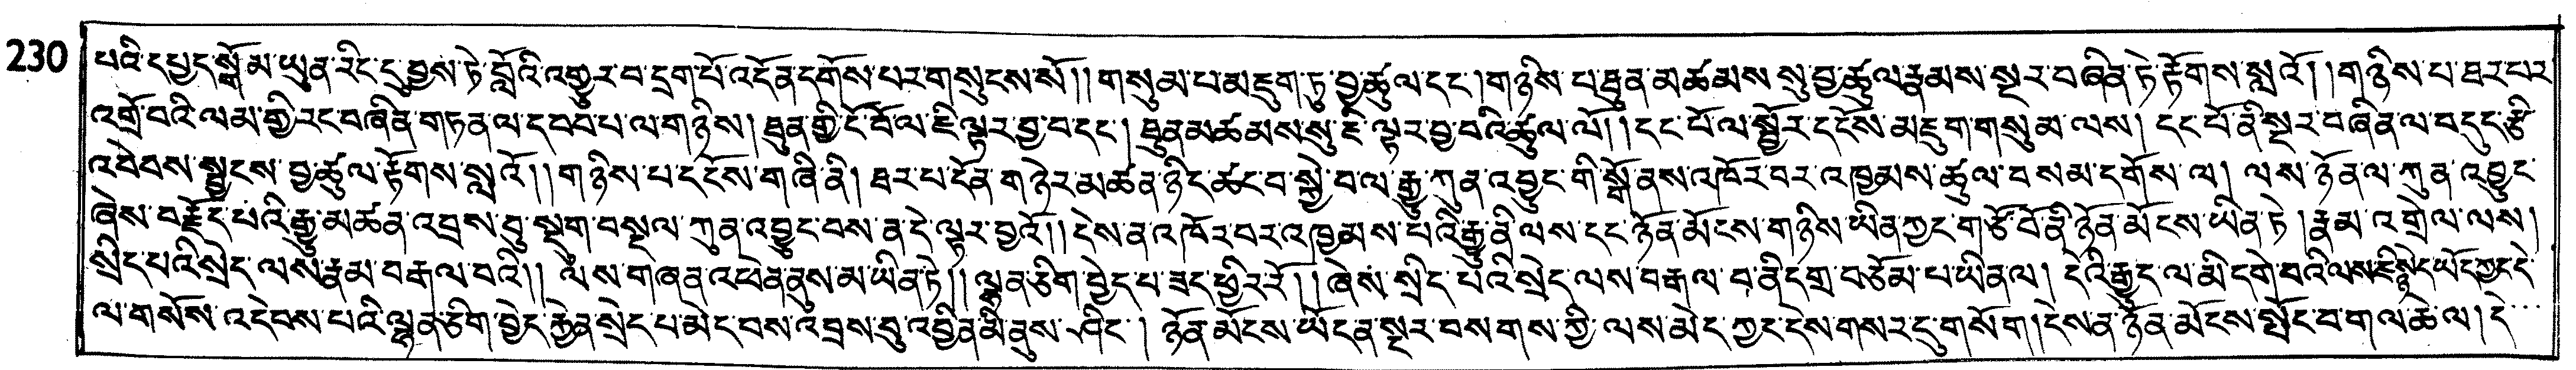པའི་དཔྱད་སྒོམ་ཡུན་རིང་དུ་བྱས་ཏེ་བློའི་འགྱུར་བ་དྲག་པོ་འདོན་དགོས་པར་གསུངས་སོ། །གསུམ་པ་མཇུག་ཏུ་བྱ་ཚུལ་དང་། གཉིས་པ་ཐུན་མཚམས་སུ་བྱ་ཚུལ་རྣམས་སྔར་བཞིན་ཏེ་རྟོགས་སླའོ། །གཉིས་པ་ཐར་པར་
འགྲོ་བའི་ལམ་གྱི་རང་བཞིན་གཏན་ལ་དབབ་པ་ལ་གཉིས། ཐུན་གྱི་ངོ་བོ་ལ་ཇི་ལྟར་བྱ་བ་དང་། ཐུན་མཚམས་སུ་ཇི་ལྟར་བྱ་བའི་ཚུལ་ལོ། །དང་པོ་ལ་སྦྱོར་དངོས་མཇུག་གསུམ་ལས། དང་པོ་ནི་སྔར་བཞིན་ལ་བདུད་རྩི་
འབེབས་སྦྱངས་བྱ་ཚུལ་རྟོགས་སླའོ། །གཉིས་པ་དངོས་གཞི་ནི། ཐར་པ་དོན་གཉེར་མཚན་ཉིད་ཚང་བ་སྐྱེ་བ་ལ་རྒྱུ་ཀུན་འབྱུང་གི་སྒོ་ནས་འཁོར་བར་འཁྱམས་ཚུལ་བསམ་དགོས་ལ། ལས་ཉོན་ལ་ཀུན་འབྱུང་
ཞེས་བརྗོད་པའི་རྒྱུ་མཚན་འབྲས་བུ་སྡུག་བསྔལ་ཀུན་འབྱུང་བས་ན་དེ་ལྟར་བྱའོ། །དེས་ན་འཁོར་བར་འཁྱམས་པའི་རྒྱུ་ནི་ལས་དང་ཉོན་མོངས་གཉིས་ཡིན་ཀྱང་གཙོ་བོ་ནི་ཉོན་མོངས་ཡིན་ཏེ། རྣམ་འགྲེལ་ལས།
སྲིད་པའི་སྲེད་ལས་རྣམ་བརྒལ་བའི། །ལས་གཞན་འཕེན་ནུས་མ་ཡིན་ཏེ། །ལྷན་ཅིག་བྱེད་པ་ཟད་ཕྱིར་རོ། །ཞེས་སྲིད་པའི་སྲེད་ལས་བརྒལ་བ་ནི་དགྲ་བཅོམ་པ་ཡིན་ལ། དེའི་རྒྱུད་ལ་མི་དགེ་བའི་ལས་ཇི་སྙེད་ཡོད་ཀྱང་དེ་
ལ་གསོས་འདེབས་པའི་ལྷན་ཅིག་བྱེད་རྐྱེན་སྲེད་པ་མེད་བས་འབྲས་བུ་འབྱིན་མི་ནུས་ཤིང་། ཉོན་མོངས་ཡོད་ན་སྔར་བསགས་ཀྱི་ལས་མེད་ཀྱང་དེས་གསར་དུ་གསོག །དེས་ན་ཉོན་མོངས་སྤོང་བ་གལ་ཆེ་ལ། དེ་